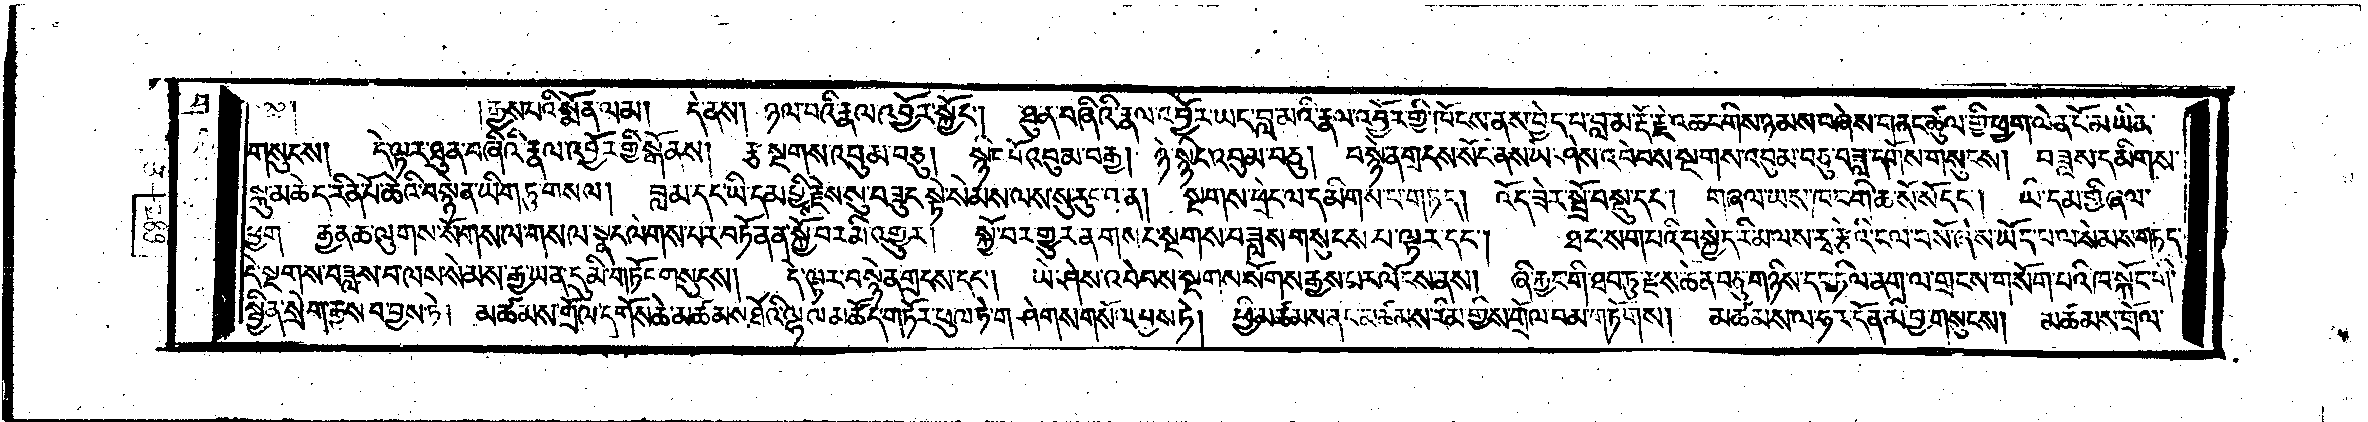༄༅། །རྒྱས་པའི་སྨོན་ལམ། དེ་ནས། ཉལ་བའི་རྣལ་འབྱོར་སྐྱོང་། ཐུན་བཞིའི་རྣལ་འབྱོར་ཡང་བླ་མའི་རྣལ་འབྱོར་གྱི་ཁོངས་ནས་བྱེད་པ་བླ་མ་རྡོ་རྗེ་འཆང་གིས་ཉམས་བཞེས་གནང་ཚུལ་གྱི་ཕྱག་ལེན་ངོ་མ་ཡིན་
གསུངས། དེ་ལྟར་ཐུན་བཞིའི་རྣལ་འབྱོར་གྱི་སྒོ་ནས། རྩ་སྔགས་འབུམ་བཅུ། སྙིང་པོ་འབུམ་བརྒྱ། ཉེ་སྙིང་འབུམ་བཅུ། བསྙེན་གྲངས་སོང་ནས་ཡེ་ཤེས་འབེབས་སྔགས་འབུམ་བཅུ་བཟླ་དགོས་གསུངས། བཟླས་དམིགས་
སྐུ་མཆེད་རིན་པོ་ཆེའི་བསྙེན་ཡིག་ཏུ་གསལ། བླ་མ་དང་ཡི་དམ་བྱིས་རྗེས་སུ་བཟུང་སྟེ་སེམས་ལས་སུ་རུང་བ་ན། སྔགས་ཕྲེང་ལ་དམིགས་པ་གཏད། འོད་ཟེར་སྦྲོ་བསྡུ་དང་། གཞལ་ཡས་ཁང་གི་ཆ་སོ་སོ་དང་། ཡི་དམ་གྱི་ཞལ་
ཕྱག །རྒྱན་ཆ་ལུགས་སོགས་ལ་གསལ་སྣང་ལེགས་པར་བཏོན་ན་སྐྱོ་བར་མི་འགྱུར། སྐྱོ་བར་གྱུར་ན་གསང་སྔགས་བཟླས་གསུངས་པ་ལྟར་དང་། ཐང་སག་པའི་བསྐྱེད་རིམ་ལས་རྭ་རྩེའི་ངལ་བསོ་ཞེས་ཡོད་པ་ལ་སེམས་གཏད་
དེ་སྔགས་བཟླས་བ་ལས་སེམས་རྒྱ་ཡན་དུ་མི་གཏོང་གསུངས། དེ་ལྟར་བསྙེན་གྲངས་དང་། ཡེ་ཤེས་འབེབས་སྔགས་སོགས་རྒྱས་པར་ལོངས་ནས། ཞི་རྐྱང་གི་ཐབ་ཏུ་རྫས་ཆེན་བཅུ་གཉིས་དང་ཏིལ་ནག་ལ་གྲངས་གསོག་པའི་ཁ་སྐོང་གི་
སྦྱིན་སྲེག་རྒྱས་བ་བྱས་ཏེ། མཚམས་གྲོལ་དགོས་ཆེ་མཚམས་ཐོའི་ལྷ་ལ་མཚོད་གཏོར་ཕུལ་ཏེ་གཤེགས་གསོལ་བྱས་ཏེ། ཕྱི་མཚམས་ནང་མཚམས་རིམ་གྱིས་གྲོལ་བམ་གཏོགས། མཚམས་ལ་ཧར་དོན་མི་བྱ་གསུངས། མཚམས་གྲོལ་